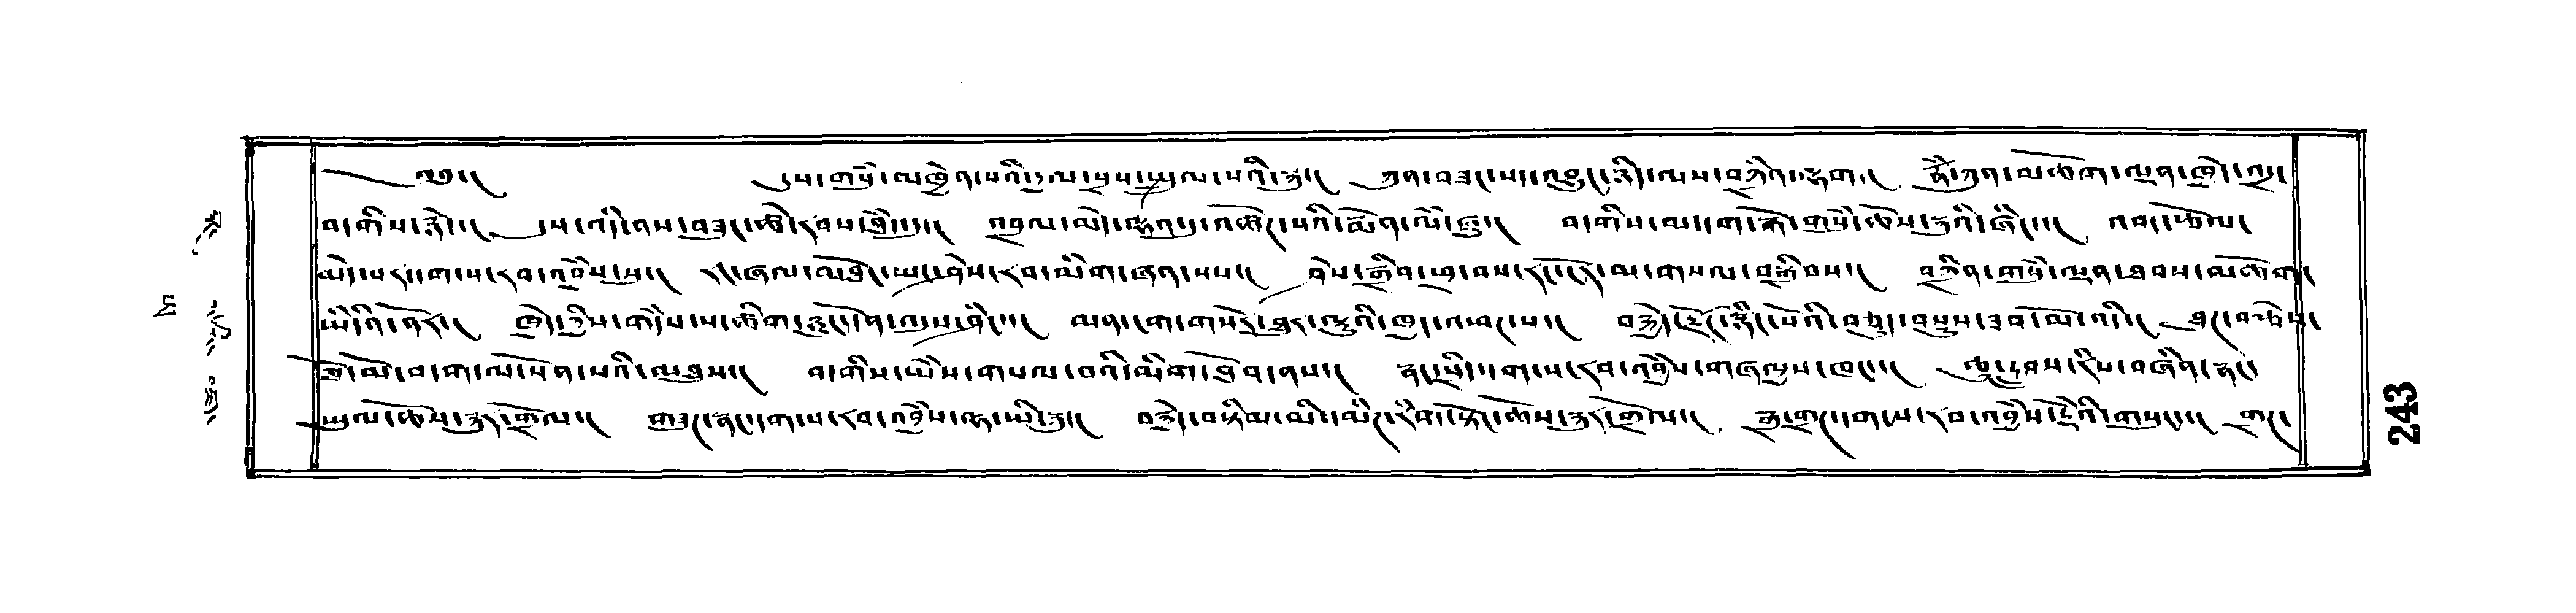དུས་གསུམ་མཁྱེན་པའི་རྒྱལ་སྲས་སྤྲུལ་པའི་སྐུ། །ཀུན་བཟང་པད་འབྱུང་ཉིད་ལས་བཀའ་དྲིན་ལྷག །རྣམ་ཀུན་མཆོག་ལྡན་ཁྱེད་འདྲ་
བདག་གིས་རྙེད། །དུས་འདི་ནས་བཟུང་ཚེ་རབས་ཐམས་ཅད་དུ། །འབྲལ་མེད་ལྷན་དུ་འཚོགས་པའི་སྨོན་ལམ་ཞུ། །བདག་གིས་མ་དག་སྒོ་གསུམ་ཆོས་སྐུའི་ཞིང་། །འབད་རྩོལ་
མེད་པར་དག་པ་རབ་འབྱམས་སུ། །རང་ཞལ་མཐོང་ཡང་ཤེས་རབ་མིག་ཞན་པས། །ཤེས་སྒྲིབ་ཕྲ་བས་རང་ངོར་མ་གསལ་བསྒྲིབས། །བཀའ་དྲིན་གསུམ་ལྡན་ཐབས་མཆོག་
ཡིད་བཞིན་ནོར། ཁྱེད་ཀྱིས་གདམས་པ་ཚིག་ཉུང་དོན་འདུས་ཤིང་། །མན་ངག་གསེར་ཐུར་ལྟ་བུའི་ཁྱད་འཕགས་པ། །བསྐྱེད་རྫོགས་སྙིང་པོའི་བཅུད་བསྡུས་ཟབ་མོ་འདི། །ཐུགས་བརྩེས་
ཁོ་མོ་བདག་ལ་སོན་པའི་མཐུས། །བདག་གིས་ཡེ་ཤེས་གསལ་བའི་མིག་ཐོབ་ནས། །སྣང་སྲིད་དག་པ་རབ་འབྱམས་གཞལ་ཡས་ཁང་། །ཆུ་རླབས་རིས་བཞིན་སྣང་
ཡུལ་ཆོས་སྐུར་གྲོལ། །གཟུགས་སྣང་དག་པ་རབ་འབྱམས་ལྷ་ཡི་སྐུ། །བསྐྱེད་བསྟིམ་མི་དམིགས་རིག་སྟོང་ཆོས་སྐུར་གྲོལ། །སྒྲ་གྲགས་དག་པ་རབ་འབྱམས་རྡོ་རྗེའི་གསུང་། །གྲགས་